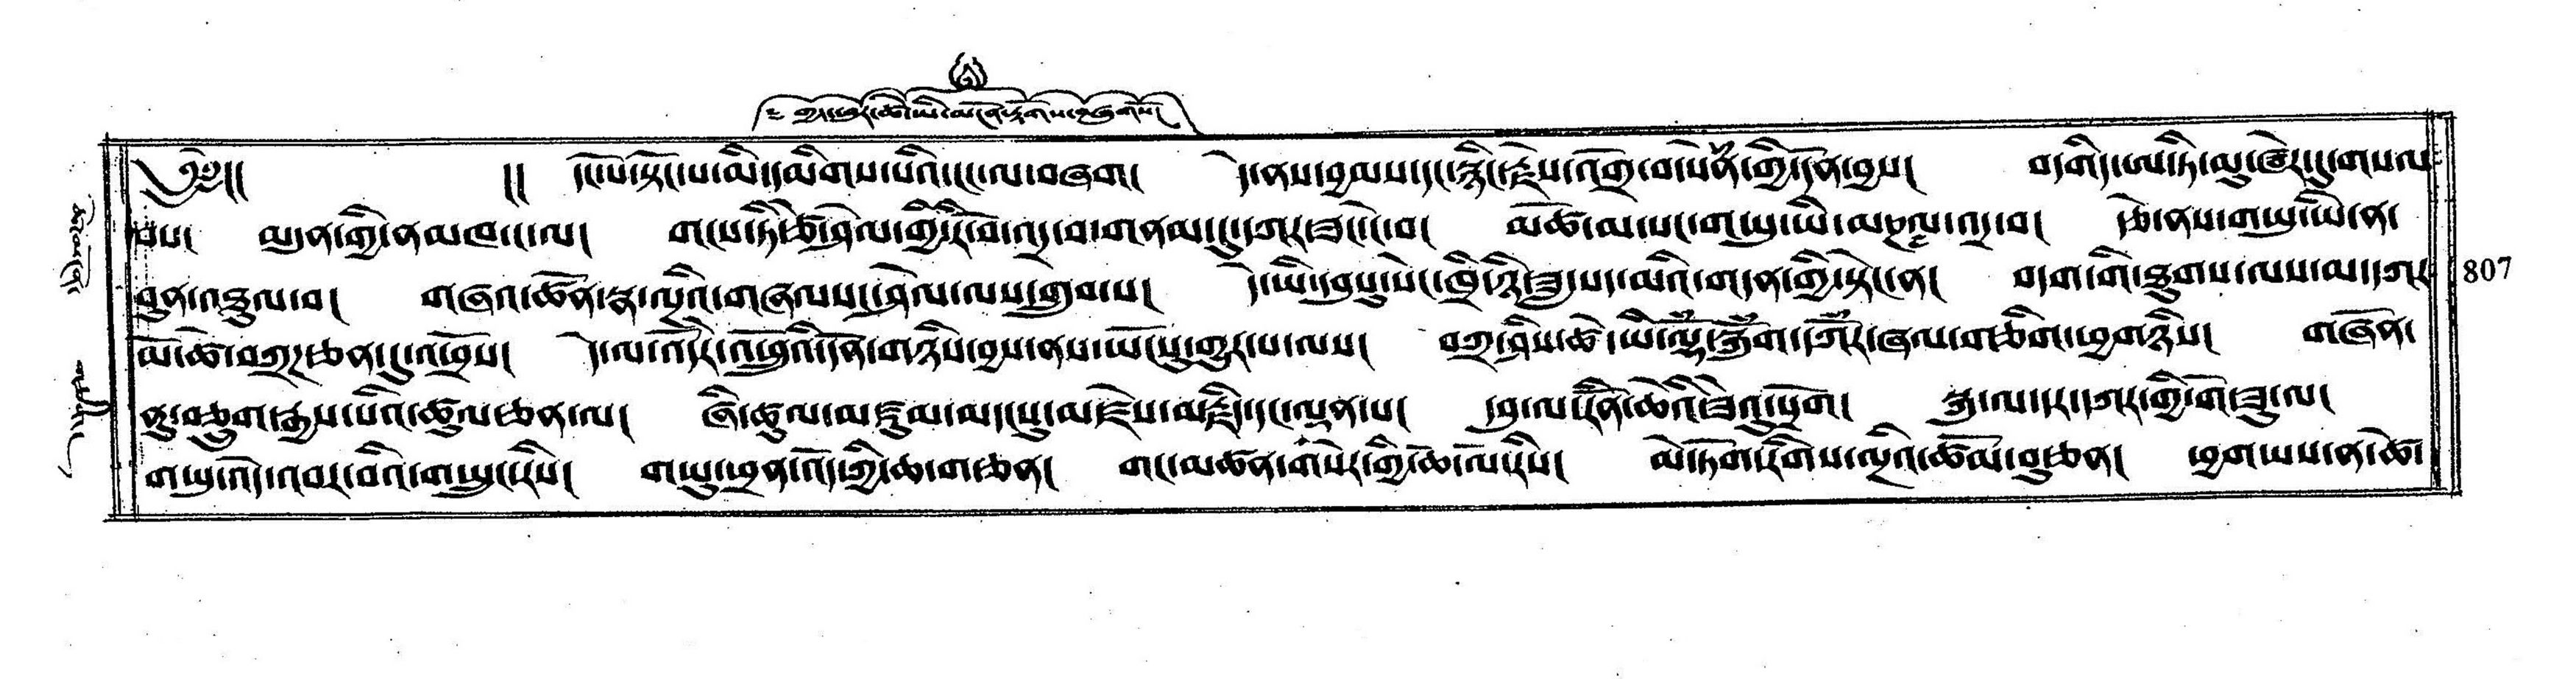༈ གྱད་ཕུར་ཚེ་ཡི་མངོན་རྟོགས་བཞུགས་སོ།༄༅།། །།དང་པོ་སྟོང་པ་མི་དམིགས་པའི་ངང་ལ་བཞག དེ་ནས་བྱམས་དང་སྙིང་རྗེས་འགྲོ་བ་སེམས་ཅན་གྱི་དོན་བྱས། བདག་ཉིད་ཨ་ཏི་མུ་ཝེར་དུ་གསལ་
བས། མདུན་གྱི་ནམ་མཁའ་ལ། གངས་ཏི་ཙེ་ཤེལ་གྱི་རི་བོ་འདྲ་བ་གནམ་དུ་དཀར་ཟང་ངེ་བ། མཚོ་མ་པང་གཡུ་ཡི་མཎྜལ་འདྲ་བ། རྩེ་ནས་གཡུ་ཡི་ན་
བུན་འཐུལ་བ། གཞའ་ཚོན་སྣ་ལྔའི་གཞལ་ཡས་ཁང་ཤེལ་ལས་གྲུབ་པ། དེ་ཡི་དབུས་སུ་སེང་ཁྲི་ཉི་ཟླ་པད་མའི་གདན་གྱི་སྟེང་ན། བདག་གི་ཐུགས་ལས་མ་དཀར་
མོ་ཚེ་བཀྲག་ཅན་དུ་འཕྲོས། དེ་ལ་འོད་ཟེར་འཕྲོ་འདུའི་དོན་གཉིས་བྱས་ནས་ཡོངས་སུ་གྱུར་པ་ལས། བཀྲ་ཤིས་ཚེ་ཡི་ལྷ་མོ་སྐུ་མདོག་དཀར་མོ་ཞལ་གཅིག་ཕྱག་གཉིས། གཞོན་
ནུ་བཅུ་དྲུག་རྒྱས་པའི་ཚུལ་ཅན་ལ། ཞི་ཚུལ་མཛུམ་མདངས་སུ་མཛེས་བརྗིད་དང་ལྡན་པ། དབུ་ལ་རིན་པོ་ཆེའི་ཟེའུ་སྲོག སྐུ་ལ་དར་དཀར་གྱི་གོ་ཟུ་ལ། 
གཡུ་འོད་འབར་བའི་གཡུང་དྲུང་རིས། གཡུ་ཕྲན་འོད་ཀྱི་ཆ་ག་ཅན། གང་མཚན་གསེར་གྱི་ཆོ་ལོ་རིས། མེ་ཏོག་རིགས་ལྔའི་ཚོམ་བུ་ཅན། ཕྱག་གཡས་ན་ཚེ་